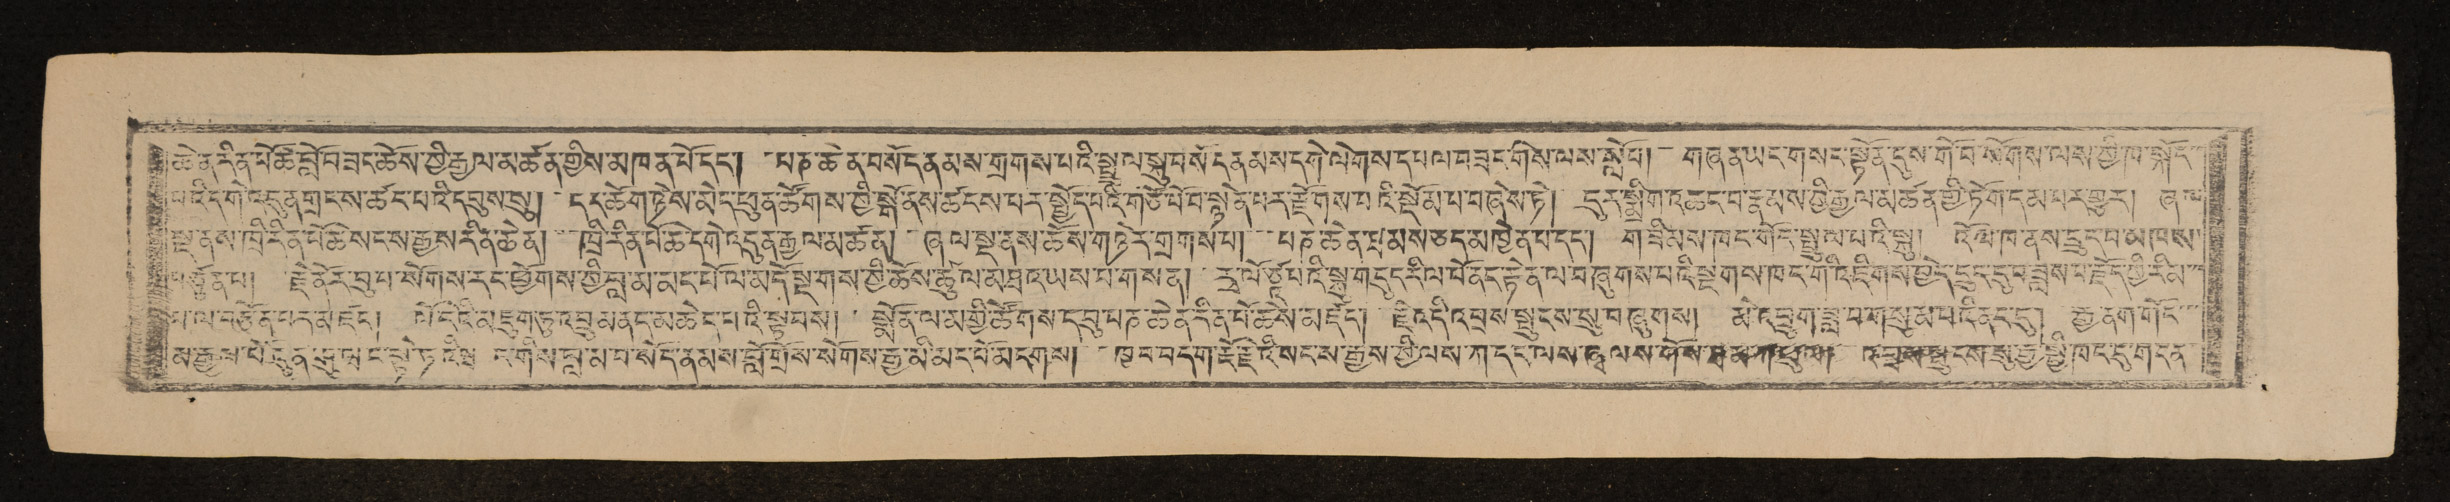ཆེན་རིན་པོ་ཆ་བློ་བཟང་ཆོས་ཀྱི་རྒྱལ་མཚན་གྱིས་མཁན་པོ་དང་། པཎ་ཆེན་བསོད་ནམས་གྲགས་པའི་སྤྲུལ་སྐུ་བསོད་ནམས་དགེ་ལེགས་དཔལ་བཟང་གིས་ལས་སློབ། གཞན་ཡང་གསང་སྟོན་དུས་གོ་བ་སོགས་ལས་ཀྱི་ཁ་སྐོང་
བའི་དགེ་འདུན་གྲངས་ཚང་བའི་དབུས་སུ། དར་ཆོག་ཉེས་མེད་ཕུན་ཚོགས་ཀྱི་སྒོ་ནས་ཚངས་པར་སྤྱོད་པའི་གཙོ་བོ་བསྙེན་པར་རྫོགས་པའི་སྡོམ་པ་བཞེས་ཏེ། ངུར་སྨྲིག་འཆང་བ་རྣམས་ཀྱི་རྒྱལ་མཚན་གྱི་ཏོག་དམ་པར་གྱུར། ཞལ་
སྔ་ནས་ཁྲི་རིན་པོ་ཆེ་སངས་རྒྱས་རིན་ཆེན། ཁྲི་རིན་པོ་ཆེ་དགེ་འདུན་རྒྱལ་མཚན། ཞལ་སྔ་ནས་ཆོས་གཉེར་གྲགས་པ། པཎ་ཆེན་ཐམས་ཅད་མཁྱེན་པ་དང་། གཟིམས་ཁང་གོང་སྤྲུལ་པའི་སྐུ། འོལ་ཁ་ནས་དྲུང་བ་མཁས་
བཙུན་པ། རྗེ་ནོར་བུ་པ་སོགས་རང་ཕྱོགས་ཀྱི་བླ་མ་མང་པོ་ལ་མདོ་སྔགས་ཀྱི་ཆོས་ཚུལ་མཐའ་ཡས་པ་གསན། རྭ་ལོ་ཙཱ་པའི་སྐུ་གདུང་རིལ་བོ་ནང་རྟེན་ལ་བཞུགས་པའི་སྔགས་ཁང་གི་འཇིགས་བྱེད་དྲུང་དུ་བཟླས་བརྗོད་ཀྱི་རིམ་
པ་ལ་བརྩོན་པར་མཛད། ལོ་དེའི་མཇུག་ཏུ་འབྲུམ་ནང་མཆེད་པའི་སྟབས། སྨོན་ལམ་གྱི་ཚོགས་དབུ་པཎ་ཆེན་རིན་པོ་ཆེས་མཛད། རྗེ་འདི་འབྲས་སྤུངས་སུ་བཞུགས། མེ་འབྲུག་ཟླ་བ་གསུམ་པའི་ནང་དུ། རྒྱ་ནག་གོང་
མ་རྒྱལ་པོ་འུན་ཤུ་ཝང་སྟེ་ཏའི་ཝང་གིས་བླ་མ་བསོད་ནམས་བློ་གྲོས་སོགས་རྒྱ་མི་མང་པོ་མངགས། ཁྱབ་བདག་རྡོ་རྗེའི་སངས་རྒྱས་ཀྱི་ལས་ཀ་དང་ལས་ཞྭ་ལས་གོས་ཐམ་ཀ་ཕུལ། འབྲས་སྤུངས་སུ་རྒྱ་སྤྱི་ཁང་དུ་གདན་